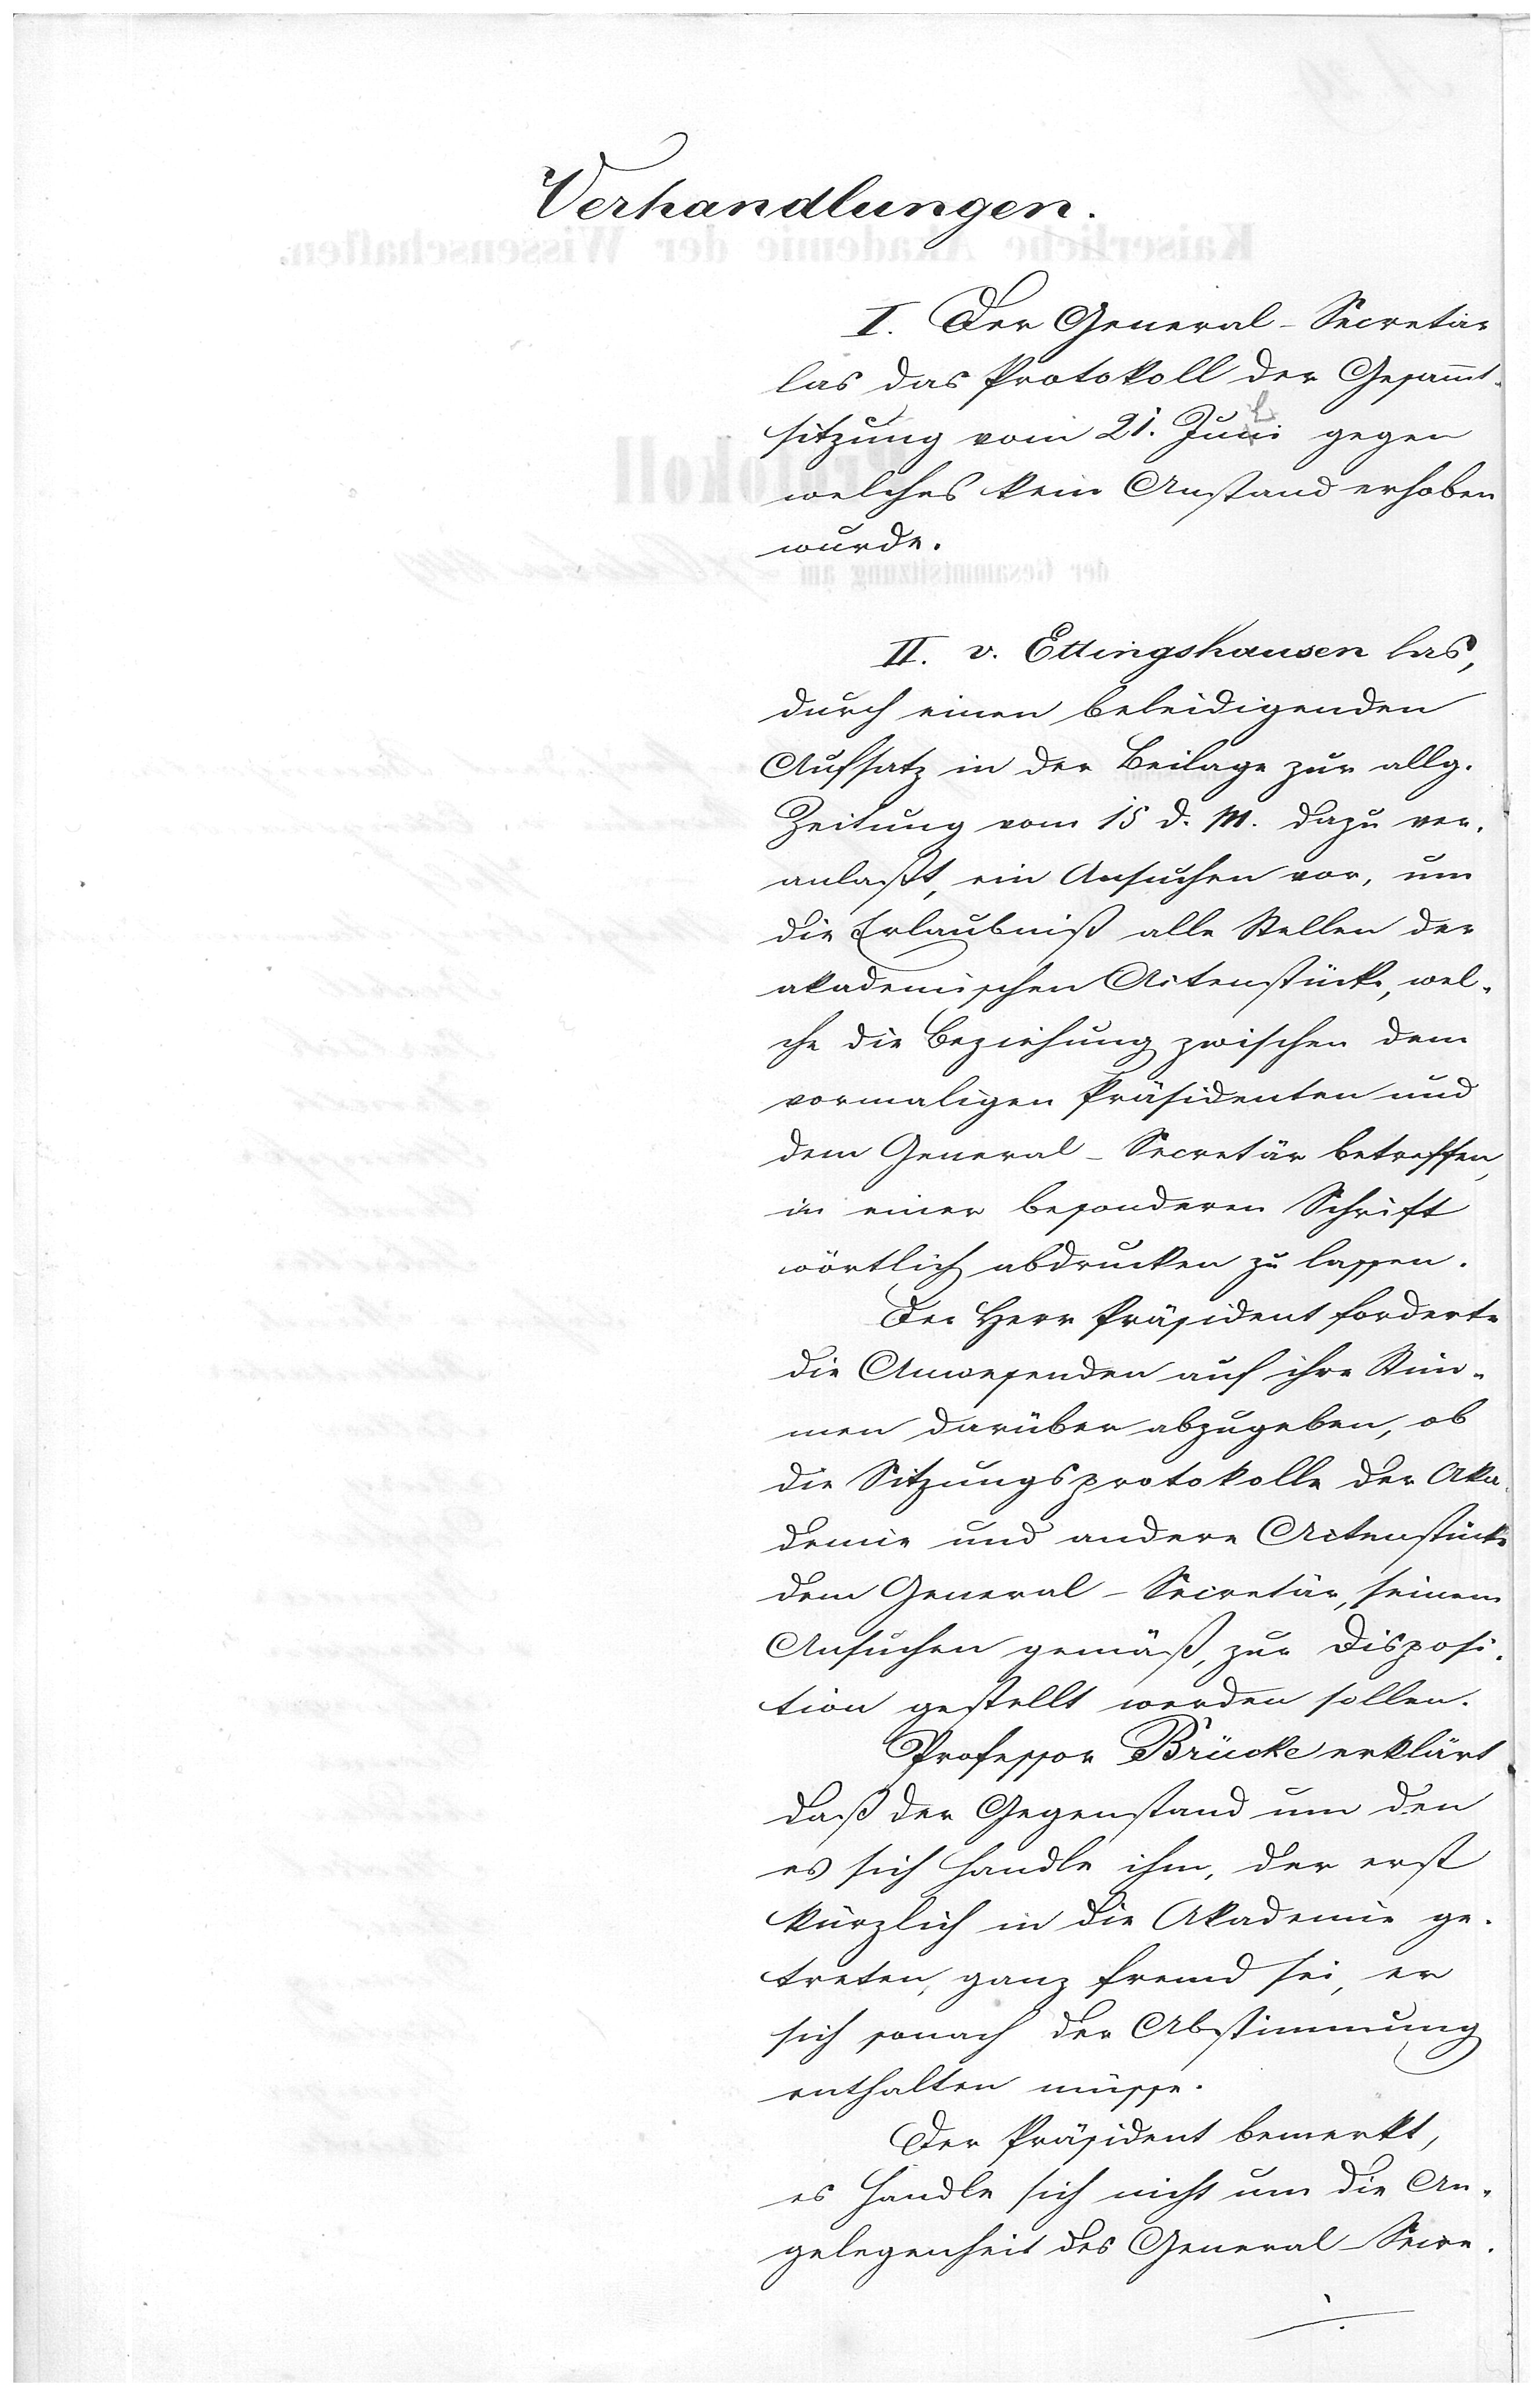Verhandlungen.
I. Der General-Secretär
las das Protokoll der Gesammt-
sitzung vom 21. Juli gegen
welches keine Anstand erhoben
wurde.
II. v. Ettingshausen las,
durch einen beleidigenden
Aufsatz in der Beilage zur allg.
Zeitung vom 15 d. M. dazu ver-
anlasht ein Ansuchen vor, um
die Erlaubniß alle Stellen der
akademischen Actenstücke wel-
che die Beziehung zwischen dem
vormaligen Präsidenten und
dem General-Secretär betreffen,
in einer besonderen Schrift
wörtlich abdrucken zu lassen.
Der Herr Präsident fordert
die Anwesenden auf ihre Stim-
men darüber abzugeben, ob
die Sitzungsprotokolle der Aka-
demie und andere Actenstücke
dem General-Secretär, seinem
Ansuchen gemäß, zur Disposi
tion gestellt werden sollen.
Professor Brücke erklärt
daß der Gegenstand um den
es sich handle ihm, der erst
kürzlich in die Akademie ge-
treten, ganz fremd sei, er
sich sonach der Abstimmung
enthalten müsse.
Der Präsident bemerkt,
es handle sich nicht um die An-
gelegenheit des General-Secre-